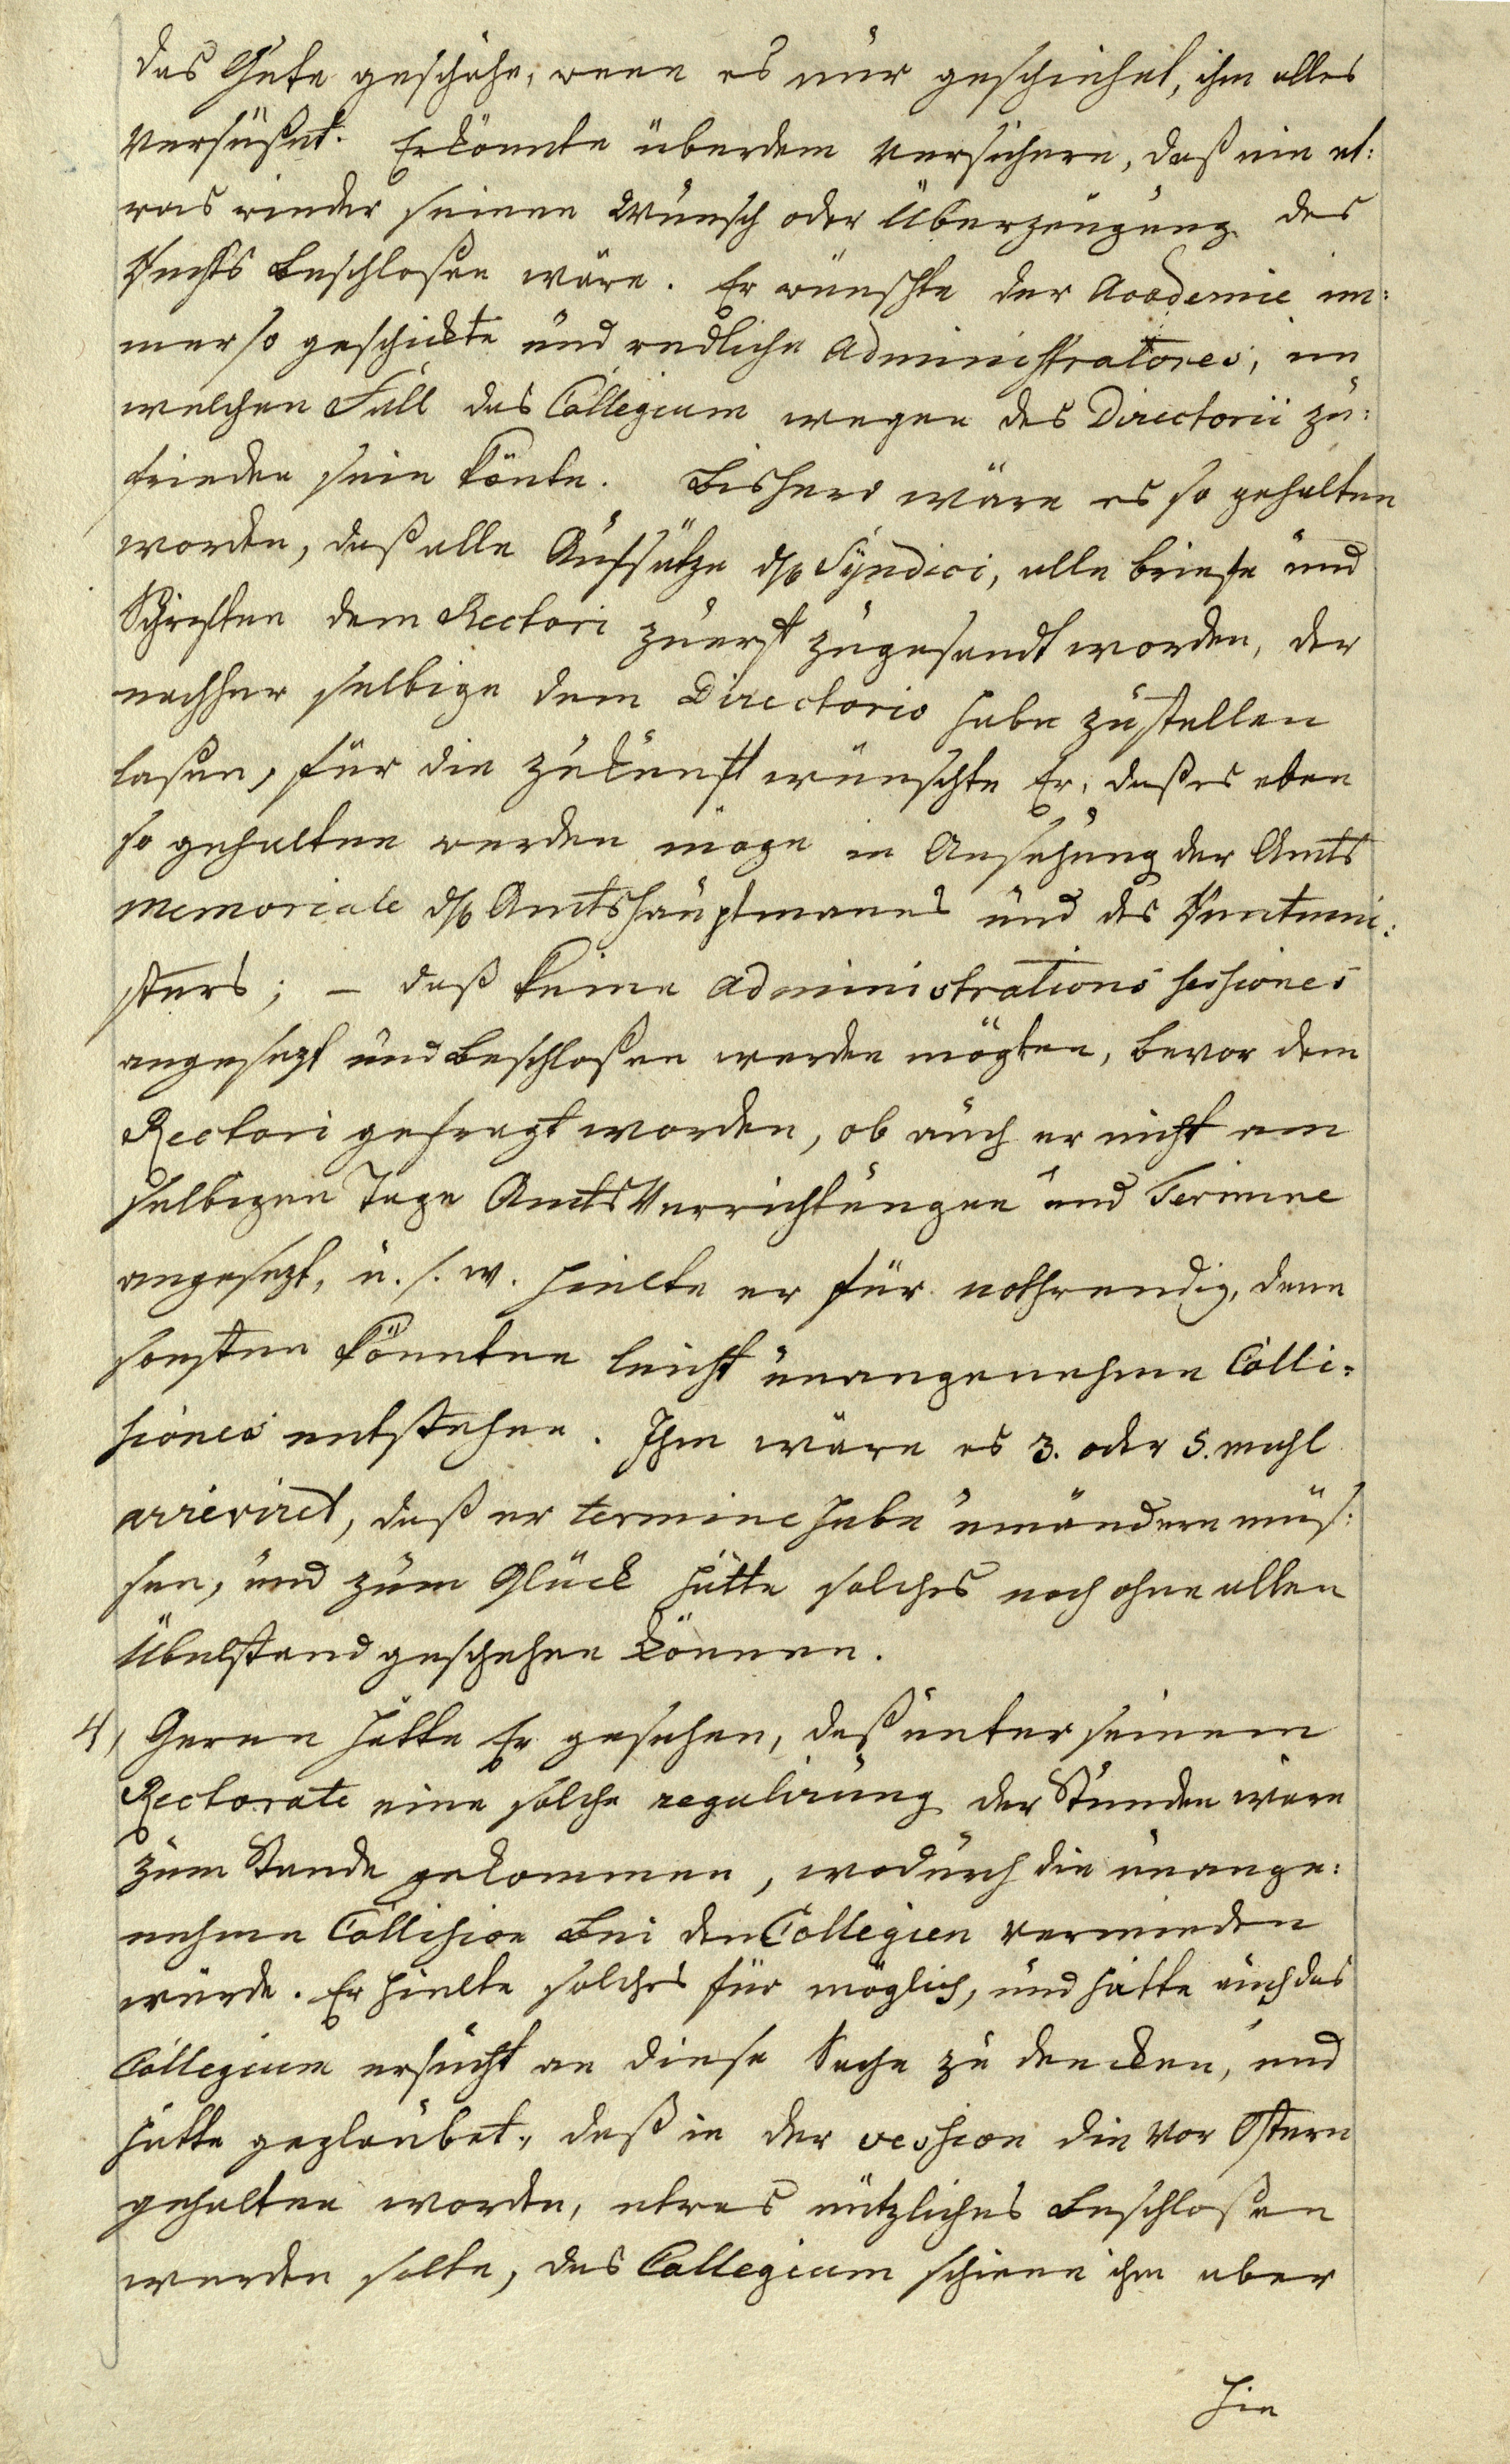das Gute geschähe, wenn es nur geschiehet, ihm alles
versüßet. Er könnte überdem versichern, daß nie et¬
was wieder seinen Wunsch oder Überzeugung des
Rechts beschloßen wäre. Er wünschte der Academie im¬
mer so geschickte und redliche Administratores, im
welchen Fall das Collegium wegen des Directorii zu¬
frieden sein könte. Bishero wäre es so gehalten
worden, daß alle Aufsätze dh. Sÿndici, alle Briefe und
Schriften dem Rectori zuerst zugesandt worden, der
nachher selbige dem Directorio habe zustellen
laßen, für die Zukunft wünschte Er, daß es eben¬
so gehalten werden möge in Ansehung der Amts¬
memoriale dh Amtshauptmanns und des Rentmei¬
sters; daß keine Administrations sessiones
angesagt und beschloßen werden mögten, bevor dem
Rectori gefragt worden, ob auch er nicht am
selbigen Tage Amtsverrichtungen und Termine
angesezt, u. s. w. hielte er für nothwendig, denn
sonsten könnten leicht unangenehme Colli¬
siones entstehen. Ihm wäre es 3. oder 5. mahl
arriviret, daß er termine habe umändern müs¬
sen, und zum Glück hätte solches noch ohne allen
Übelstand geschehen können.
4, Gerne hätte Er gesehen, daß unter seinem
Rectorate eine solche regulirung der Stunden wäre
zum Stande gekommen, wodurch die unange¬
nehme Collision bei den Collegien vermieden
würde. Er hielte solches für möglich, und hätte auch das
Collegium ersucht an diese Sache zu dencken, und
hätte geglaubet, daß in der session die vor Ostern
gehalten worden, etwas nützliches beschloßen
werden solte, das Collegium schiene ihm aber
hie